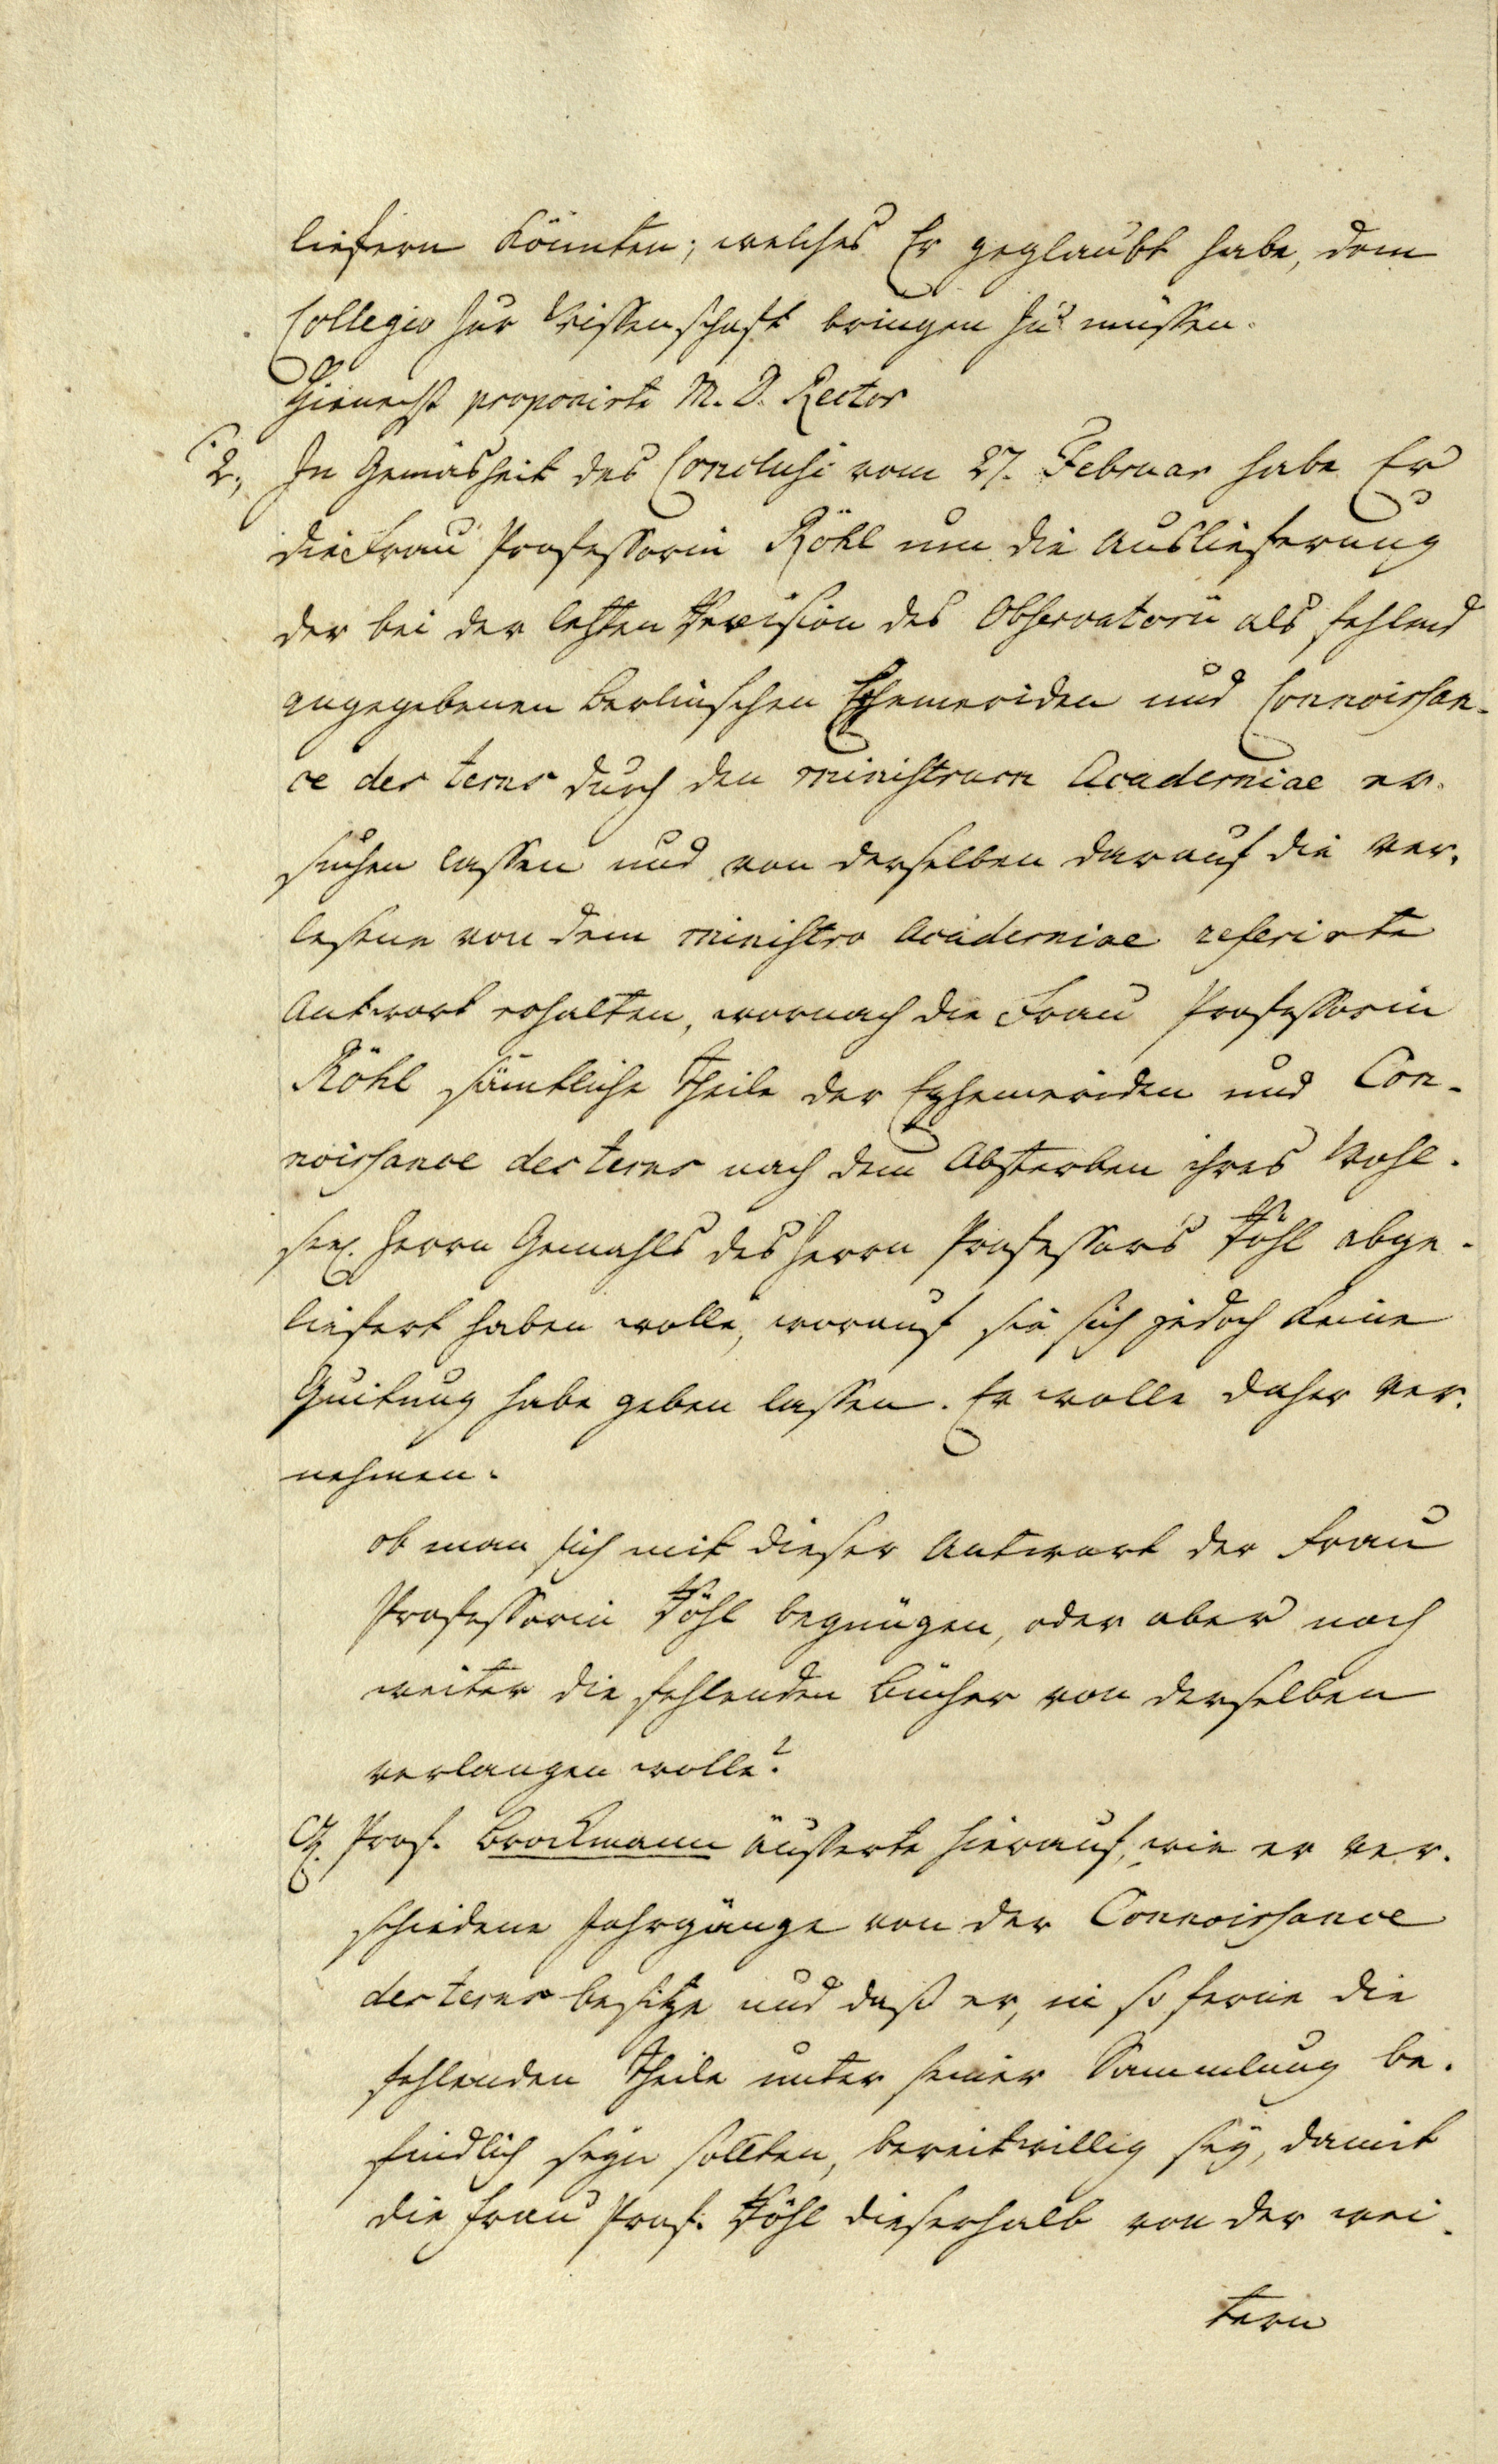liefern könnten; welches Er geglaubt habe, dem
Collegio zur Wissenschaft bringen zu müssen.
Hienechst proponirte M. D. Rector
2., In Gemäsheit des Conclusi vom 27. Februar habe Er
die Frau Professorin Röhl um die Auslieferung
der bei der letzten Revision des Observatorii als fehlend
angegebenen Berlinschen Ephemeriden und Connaissan¬
ce des tems durch den Ministrum Academiae er¬
suchen lassen und von derselben darauf die ver¬
lesene von dem ministro Academiae referite
Antwort erhalten, wornach die Frau Professorin
Röhl sämtliche Theile der Ephemeriden und Con¬
naissance des tems nach dem Absterben ihres Wohl¬
seel. Herrn Gemahls des Herrn Professors Röhl abge¬
liefert haben wolle, worauf sie sich jedoch keine
Quitung habe geben lassen. Er wolle daher ver¬
nehmen:
ob man sich mit dieser Antwort der Frau
Professorin Röhl begnügen, oder aber noch
weiter die fehlenden Bücher von derselben
verlangen wolle ?
dh. Prof. Brockmann äusserte hierauf, wie er ver¬
schiedene Jahrgänge von der Connoissance
des tems besitze und daß er, in so ferne die
fehlenden Theile unter seiner Sammlung be¬
findlich seÿn sollten, bereitwillig seÿ, damit
die Frau Prof. Röhl dieserhalb von der wei¬
tern